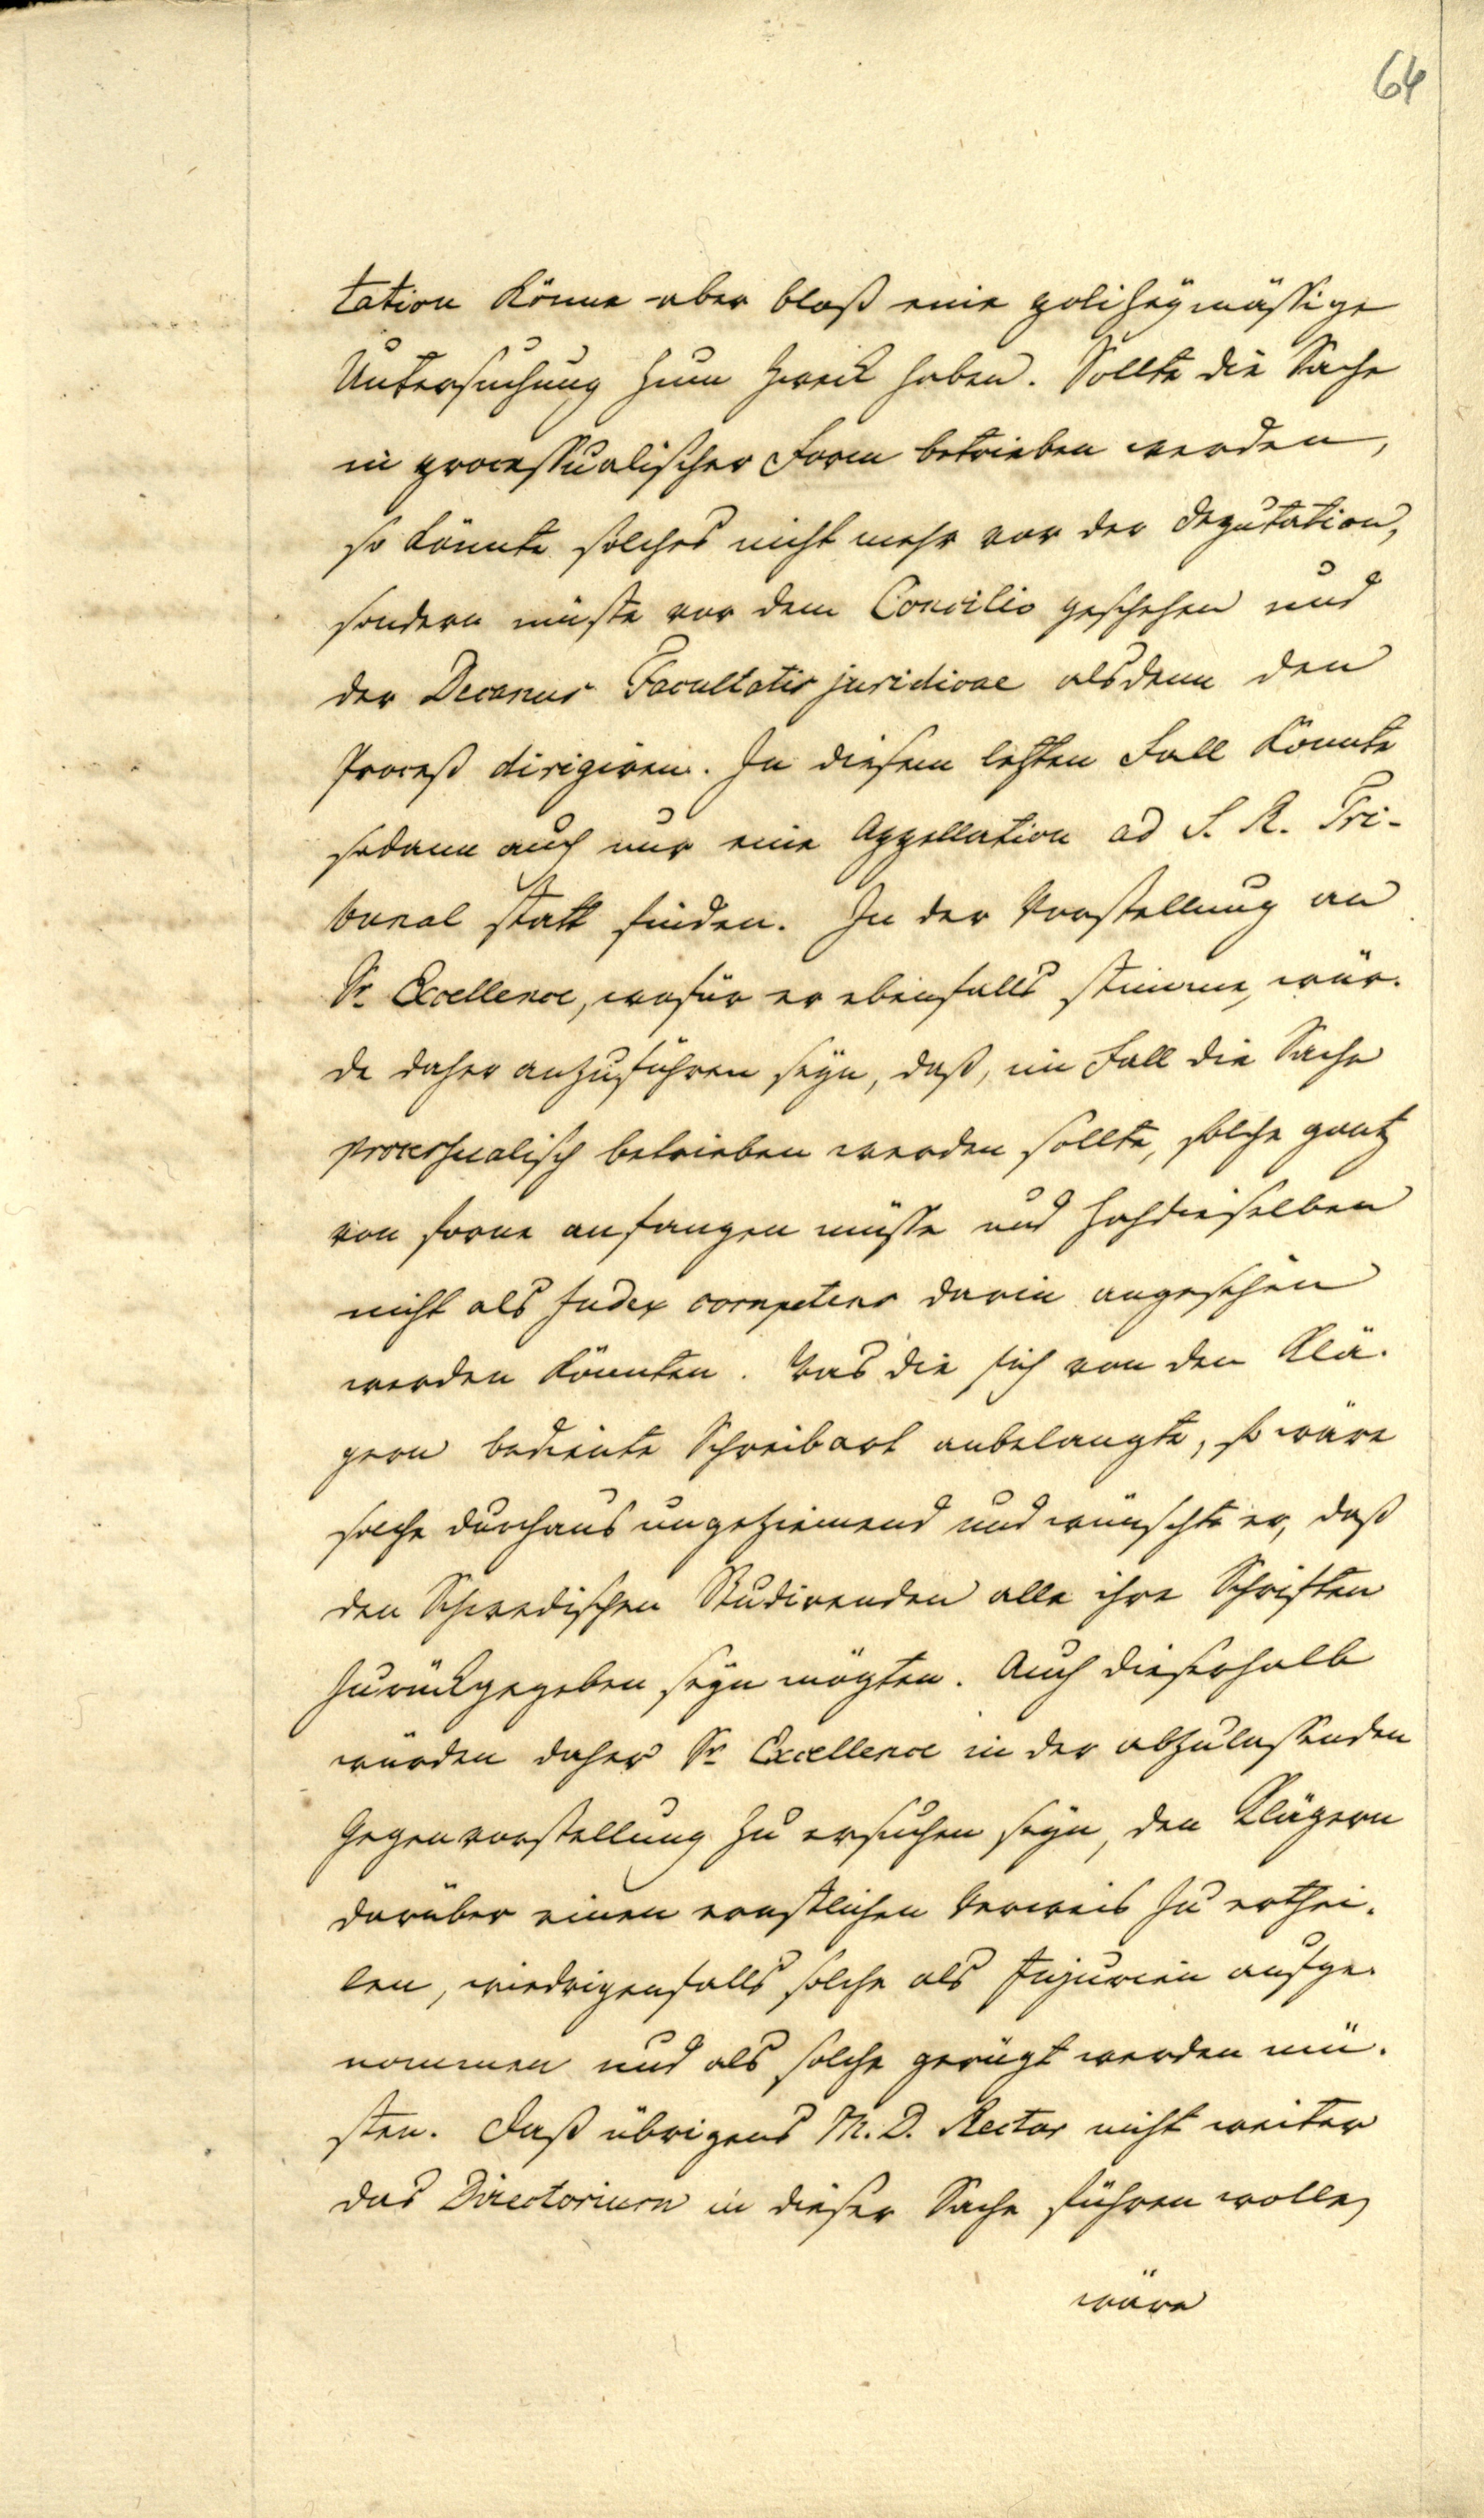tation könne aber bloß eine polizeÿ mässige
Untersuchung zum Zweck haben. Sollte die Sache
in processualischer Form betrieben werden,
so könnte solches nicht mehr vor der Deputation,
sondern müßte vor dem Concilio geschehen und
der Decanus Facultatis juridicae alsdenn den
Proceß dirigiren. In diesem letzten Fall könnte
sodann auch nur eine Appellation ad S. K. Tri¬
bunal statt finden. In der Vorstellung an
Sr Excellence, wofür er ebenfalls stimme, wür¬
de daher anzuführen seÿn, daß, im Fall die Sache
processualisch betrieben werden sollte, solche gantz
von forne anfangen müsse und hochdieselben
nicht als Index competens darin angesehen
werden könnten. Was die sich von den Klä¬
gern bediente Schreibart anbelangte, so wäre
solche durchaus ungeziemend und wünschte er, daß
den Schwedischen Studirenden alle ihre Schriften
zurückgegeben seÿn mögten. Auch dieserhalb
würden daher Sr Excellence in der abzulassenden
Gegenvorstellung zu ersuchen seÿn, den Klägern
darüber einen ernstlichen Verweis zu erthei¬
len, wiedrigenfalls solche als Injurien aufge¬
nommen und als solche gerügt werden mü¬
sten. Daß übrigens M. D. Rector nicht weiter
das Directorium in dieser Sache führen wolle,
wäre